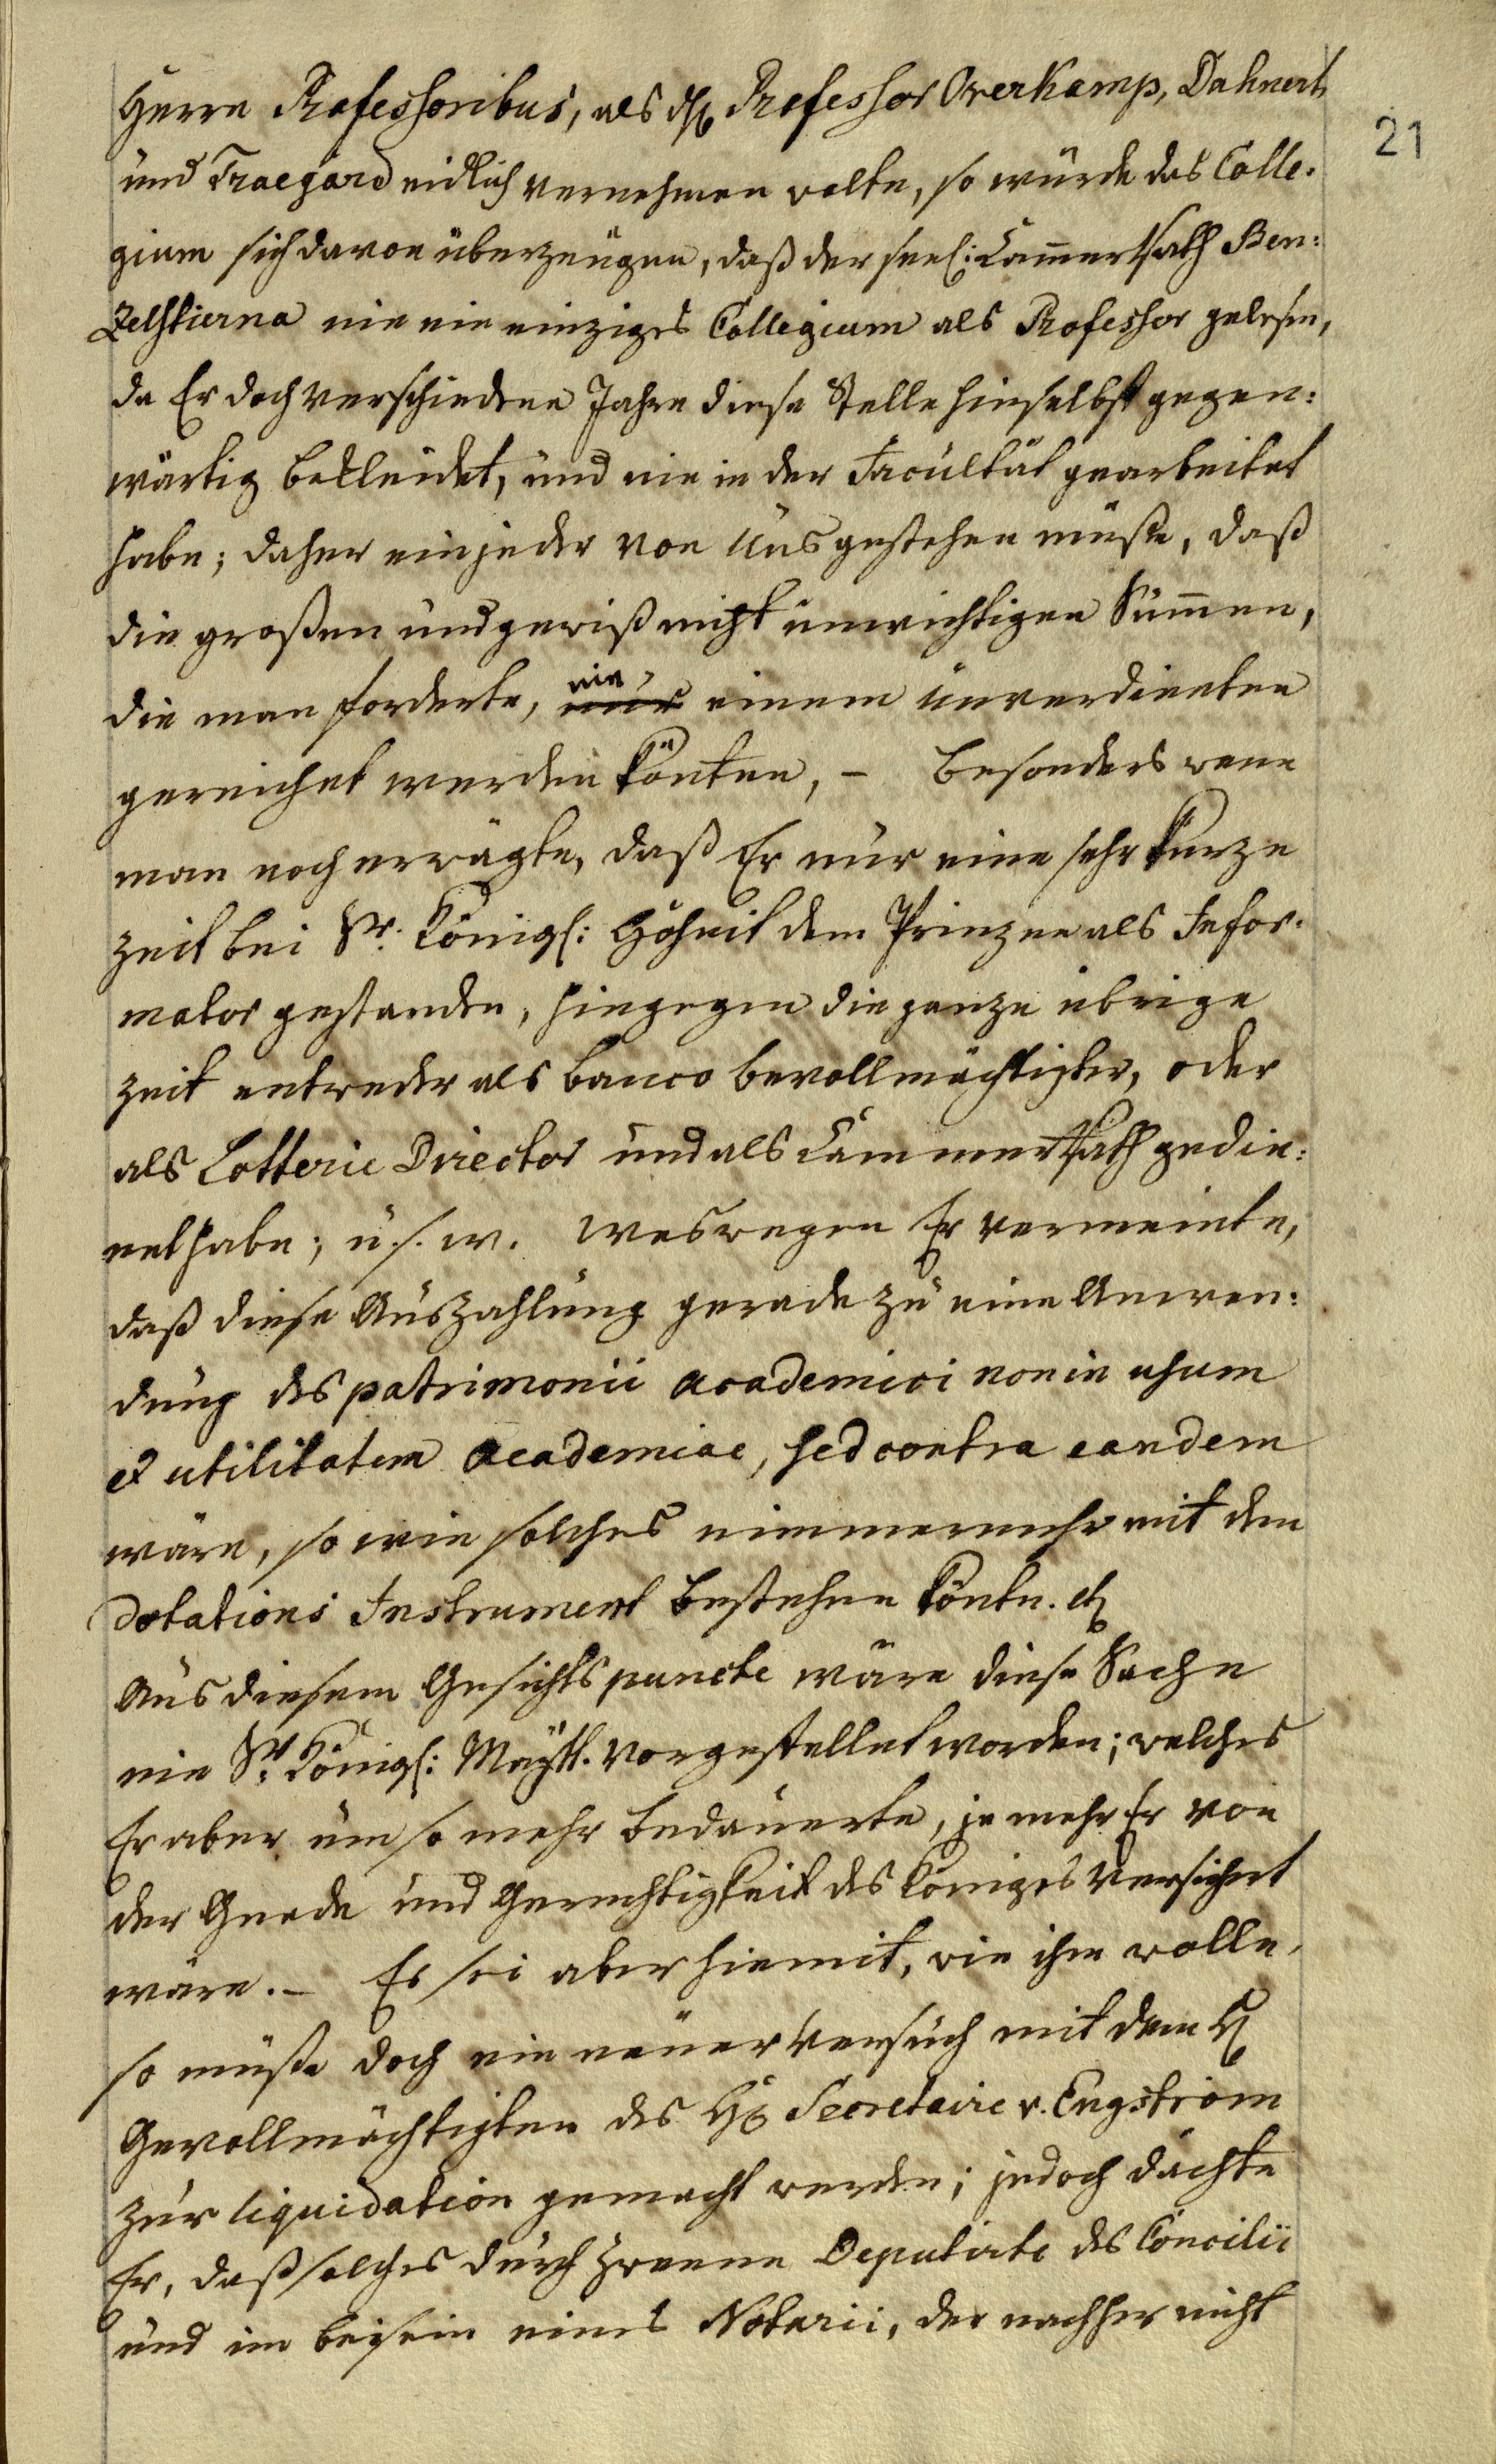Hern Professoribus, als dh Professor Overkamp, Dähnert,
und Traegård eidlich vernehmen wolte, so würde das Colle¬
gium sich davon überzeugen, daß der seel. CamerRath Ben¬
zelstierna nie ein einziges Collegium als Professor gelesen,
da Er verschiedene Jahre diese Stelle hieselbst gegen¬
wärtig bekleidet, und nie in der Facultät gearbeitet
habe; daher ein jeder von uns gestehen müße, daß
die großen und gewiß nicht unwichtigen Sumen,
die man forderte, nie einem Unverdienten
gereichet werden könten, - besonders wenn
man noch erwägte, daß Er nur eine sehr kurze
Zeit bei Sr. Königl. Hoheit dem Prinzen als Infor¬
mator gestanden, hingegen die ganze übrige
Zeit entweder als Banco Bevollmächtigter, oder
als Lotterie Director und als CammerRath gedie¬
net habe; u.s.w. weswegen Er vermeinte,
daß diese Auszahlung geradezu eine Anwen¬
dung des patrimonii Academici non in usum
et utilitatem Academiae, sed contra eandem
wäre, so wie solches nimmermehr mit dem
dotations Instrument bestehen könte. et.
aus diesem Gesichtspuncte wäre diese Sache
nie Sr Königl. Maÿtt. vorgestellet worden; welches
Er aber um so mehr bedauerte, je mehr Er von
der Gnade und Gerechtigkeit des Königes versichert
wäre. - Es sei aber hiemit, wie ihm wolle,
so müße doch ein neuer Versuch mit dem H.
Gevollmächtigten des H. Secretaire v. Engström
zur liquidation gemacht werden; jedoch dächte
Er, daß solches durch zweene Deputirte des Concilii
und im beisein eines Notarii, der nachher nicht